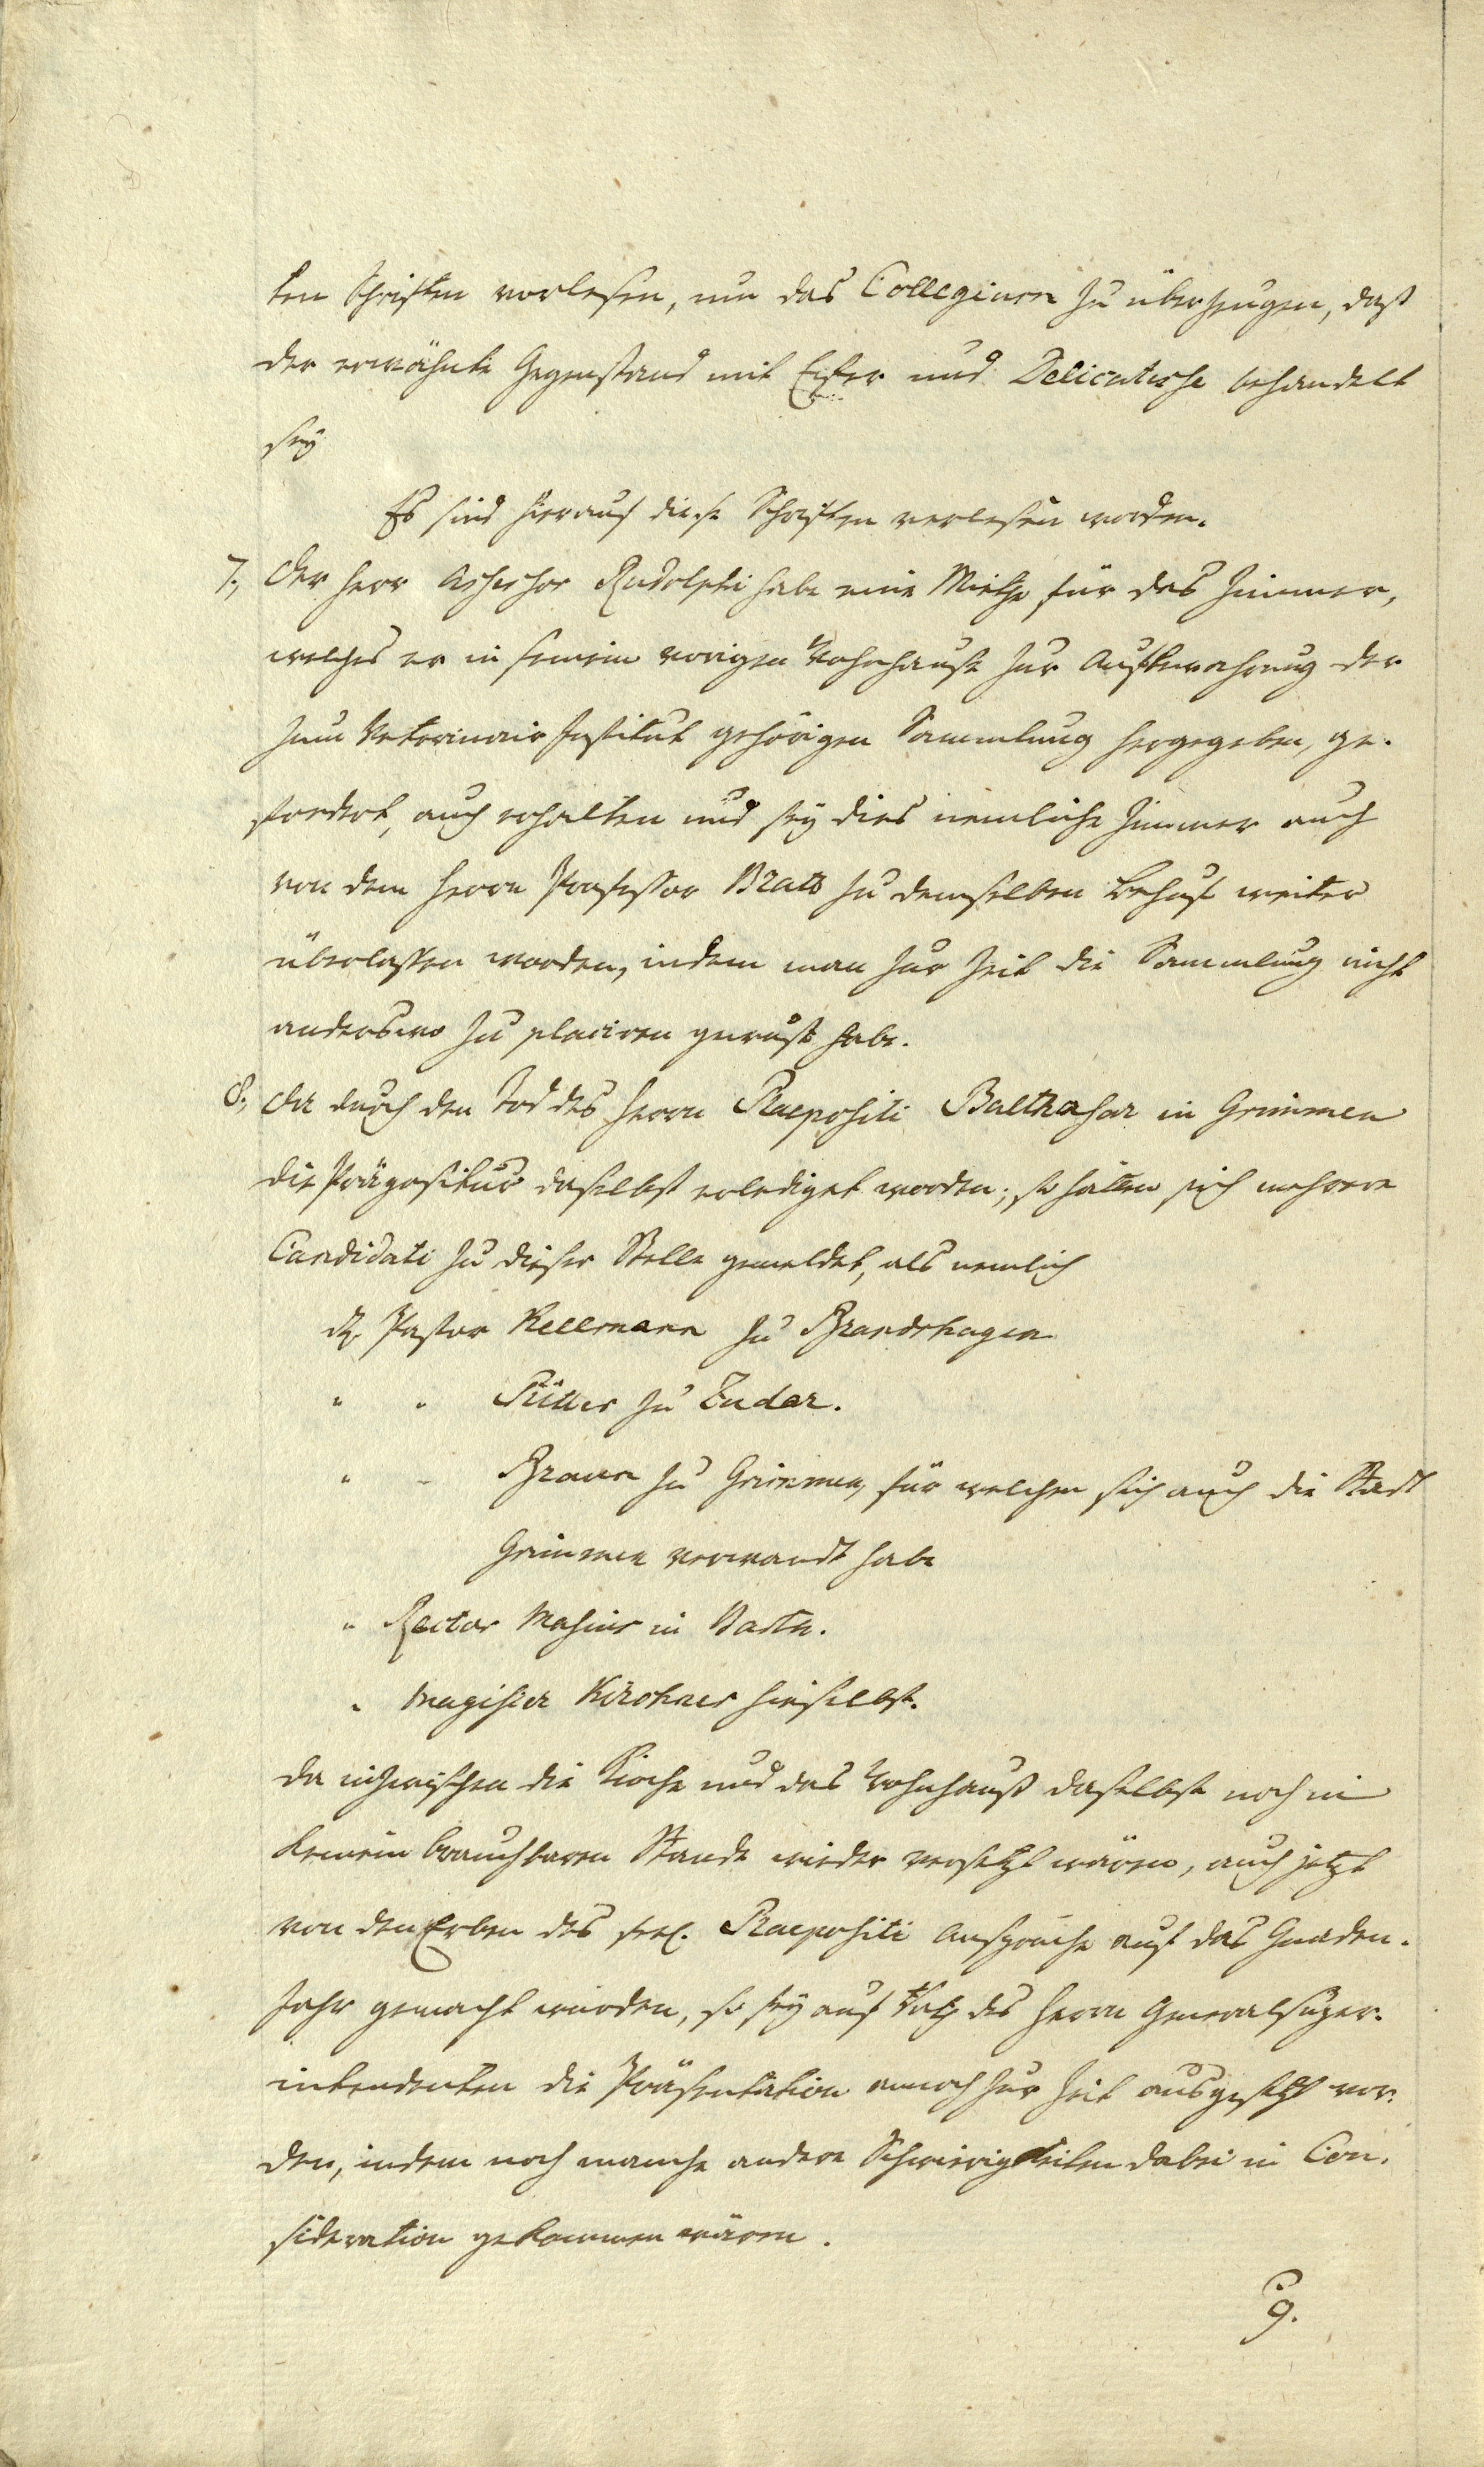ten Schriften vorlesen, um das Collegium zu überzeugen, daß
der erwähnte Gegenstand mit Eifer und Delicatesse behandelt
seÿ.
Es sind hierauf diese Schriften verlesen worden.
7., Der Herr Assessor Rudolphi habe eine Miethe für das Zimmer,
welches er in seinem vorigen Wohnhause zur Aufbewahrung der
zum Veterinair Institut gehörigen Sammlung hergegeben, ge¬
fordert, auch erhalten und seÿ dies nemliche Zimmer auch
von dem Herrn Professor Bratt zu demselben Behuf weiter
überlassen worden, indem man zur Zeit die Sammlung nicht
anderswo zu placiren gewußt habe.
8. Da durch den Tod des Herrn Praepositi Balthasar in Grimmen
die Präpositur daselbst erlediget worden, so hätten sich mehrere
Candidati zu dieser Stelle gemeldet, als nemlich
dh. Pastor Kellmann zu Brandshagen
Pütter zu Zudar.
Braun zu Grimmen, für welchen sich auch die Stadt
Grimmen verwandt habe
Rector Masius in Barth¬
Magister Kirchner hieselbst.
Da inzwischen die Kirche und das Wohnhaus daselbst noch in
keinem brauchbaren Stande wieder versetzt wären, auch jetzt
von den Erben des seel. Praepositi Ansprüche auf das Gnaden¬
Jahr gemacht würden, so seÿ auf Rath des Herrn Generalsuper¬
intendenten die Präsentation annoch zur Zeit ausgesetzt wor¬
den, indem noch manche andere Schwierigkeiten dabei in Con¬
sideration gekommen wären.
9.